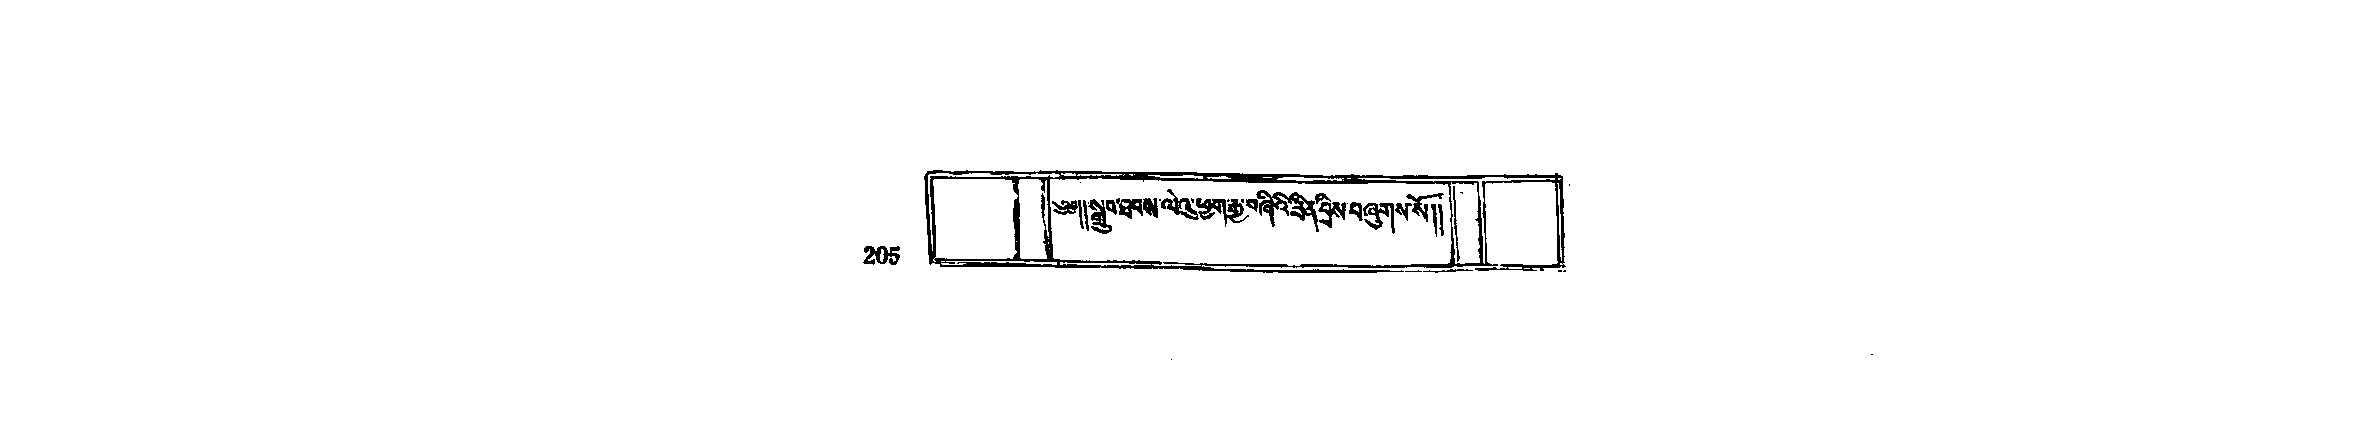༄༅། །སྒྲུབ་ཐབས་ལེའུ་ཕྱག་རྒྱ་བཞིའི་ཟིན་བྲིས་བཞུགས་སོ། །